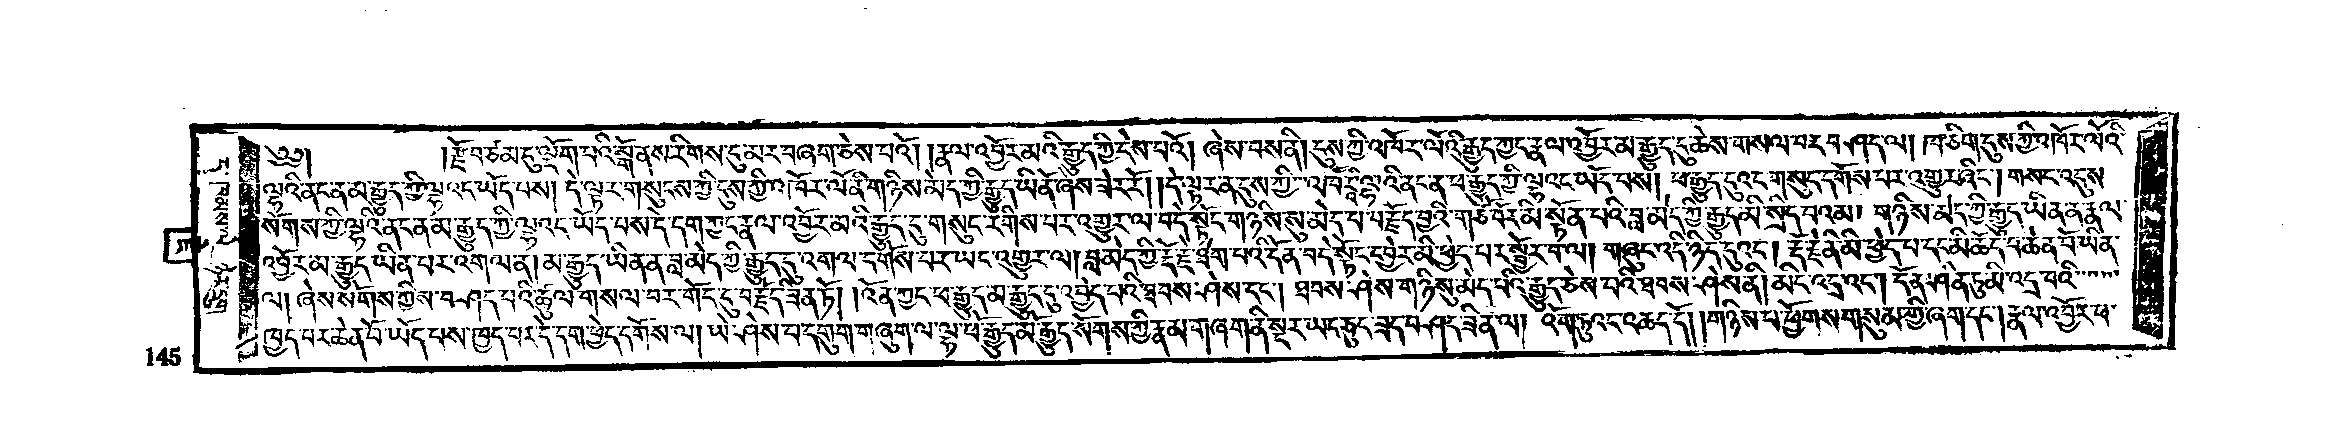༄༅། །རྫོབ་ཙམ་དུ་ལྡོག་པའི་སྒོ་ནས་རིགས་དུ་མར་བཞག་ཅེས་པའོ། །རྣལ་འབྱོར་མའི་རྒྱུད་ཀྱི་ངེས་པའོ། ཞེས་པས་ནི། དུས་ཀྱི་འཁོར་ལོའི་རྒྱུད་ཀྱང་རྣལ་འབྱོར་མ་རྒྱུད་དུ་ཆེས་གསལ་བར་བཤད་ལ། ཁ་ཅིག་དུས་ཀྱི་འཁོར་ལོའི་
ལྷའི་ནང་ན་མ་རྒྱུད་ཀྱི་ལྷའང་ཡོད་པས། དེ་ལྟར་གསུངས་ཀྱི་དུས་ཀྱི་འཁོར་ལོ་ནི་གཉིས་མེད་ཀྱི་རྒྱུད་ཡིན་ནོ་ཞེས་ཟེར་རོ། །དེ་ལྟར་ན་དུས་ཀྱི་འཁོར་ལོའི་ལྷའི་ནང་ན་ཕ་རྒྱུད་ཀྱི་ལྷའང་ཡོད་པས། ཕ་རྒྱུད་དུའང་གསུང་དགོས་པར་འགྱུར་ཞིང་། གསང་འདུས་
སོགས་ཀྱི་ལྷའི་ནང་ན་མ་རྒྱུད་ཀྱི་ལྷའང་ཡོད་པས་དེ་དག་ཀྱང་རྣལ་འབྱོར་མའི་རྒྱུད་དུ་གསུང་རིགས་པར་འགྱུར་ལ་བདེ་སྟོང་གཉིས་སུ་མེད་པ་བརྗོད་བྱའི་གཙོ་བོར་མི་སྟོན་པའི་བླ་མེད་ཀྱི་རྒྱུད་མི་སྲིད་པའམ། གཉིས་མེད་ཀྱི་རྒྱུད་ཡིན་ན་རྣལ་
འབྱོར་མ་རྒྱུད་ཡིན་པར་འགལ་ན། མ་རྒྱུད་ཡིན་ན་བླ་མེད་ཀྱི་རྒྱུད་དུ་འགལ་དགོས་པར་ཡང་འགྱུར་ལ། བླ་མེད་ཀྱི་རྡོ་རྗེ་ཐེག་པའི་དོན་བདེ་སྟོང་དབྱེར་མི་ཕྱེད་པར་སྦྱོར་བ་ལ། གཞུང་འདི་ཉིད་དུའང་། རྡོ་རྗེ་ནི་མི་ཕྱེད་པ་དང་མི་ཆོད་པ་ཆེན་པོ་ཡིན་
ལ། ཞེས་སོགས་ཀྱིས་བཤད་པའི་ཚུལ་གསལ་བར་གོང་དུ་བརྗོད་ཟིན་ཏོ། །འོན་ཀྱང་ཕ་རྒྱུད་མ་རྒྱུད་དུ་འབྱེད་པའི་ཐབས་ཤེས་དང་། ཐབས་ཤེས་གཉིས་སུ་མེད་པའི་རྒྱུད་ཅེས་པའི་ཐབས་ཤེས་ནི། མིང་འདྲ་འང་། དོན་ཤིན་ཏུ་མི་འདྲ་བའི་
ཁྱད་པར་ཆེན་པོ་ཡོད་པས་ཁྱད་པར་དེ་དག་ཕྱེད་དགོས་ལ། ཡེ་ཤེས་པ་དགུག་གཞུག་ལ་ལྷ་ཕོ་རྒྱུད་མོ་རྒྱུད་སོགས་ཀྱི་རྣམ་གཞག་ནི་སྔར་ཡང་ཅུང་ཟད་བཤད་ཟིན་ལ། འོག་ཏུའང་འཆད་དོ། །གཉིས་པ་ཕྱོགས་གསུམ་གྱི་ཞག་དང་། རྣལ་འབྱོར་ཕ་